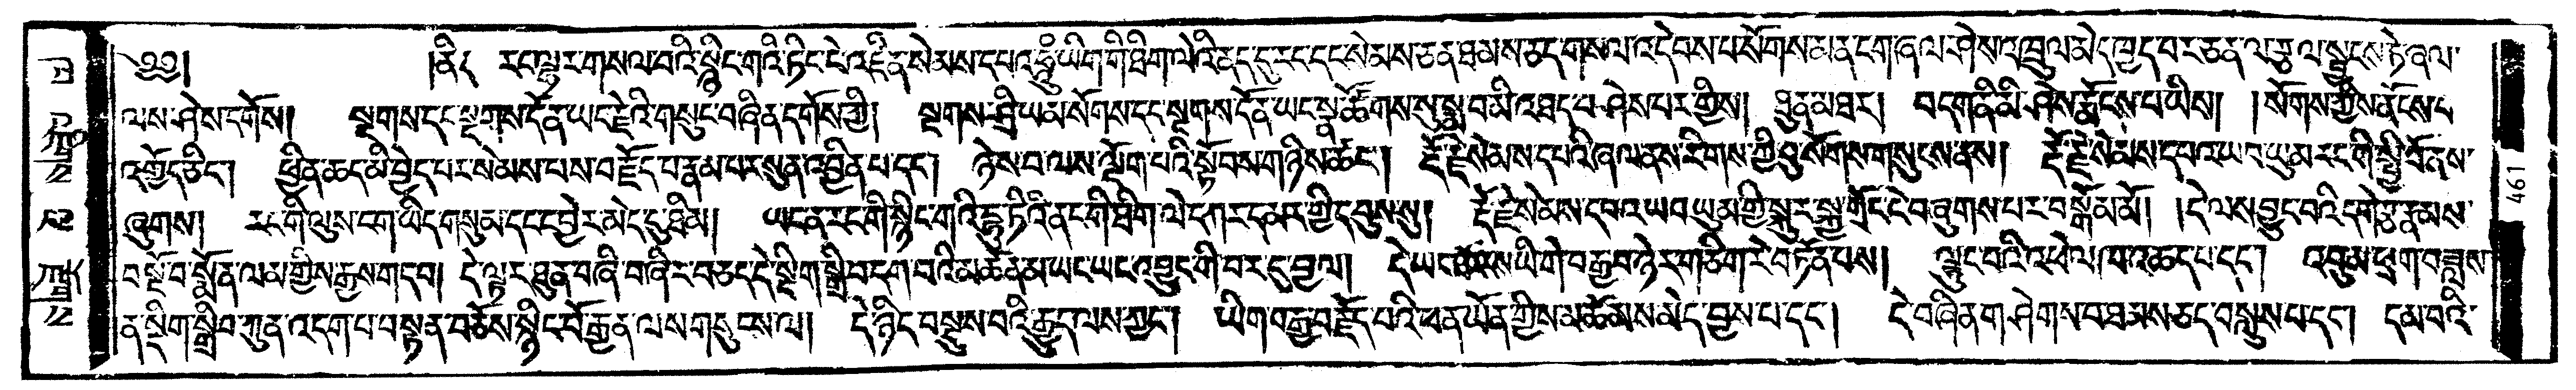༄༅། །ནི༑ རང་ལྷར་གསལ་བའི་སྙིང་གའི་ཏིང་ངེ་འཛིན་སེམས་དཔའ་ཧཱུཾ་ཡིག་གི་ཐིག་ལེའི་ནང་དུ་རང་དང་སེམས་ཅན་ཐམས་ཅད་གསོལ་འདེབས་པ་སོགས་མན་ངག་ཞལ་ཤེས་འཁྲུལ་མེད་ཁྱད་པར་ཅན་ལ་རྩལ་སྦྱངས་ཏེ་ཞལ་
ལས་ཤེས་དགོས། སྔགས་དང་སྔགས་དོན་ཡང་རྗེའི་གསུང་བཞིན་དགོས་ཀྱི། སྔགས་ཤྲི་ཡམ་སོགས་དང་སྔགས་དོན་ཡང་སྣ་ཚོགས་སུ་སྨ་བ་མི་འཐད་བཤེས་པར་གྱིས། ཐུན་མཐར། བདག་ནི་མི་ཤེས་རྨོངས་པ་ཡིས། །སོགས་ཀྱིས་ནོངས་པ་
འགྱོད་ཅིང་། ཕྱིན་ཆད་མི་བྱེད་པར་སེམས་པས་བརྗོད་པ་རྣམ་པར་སུན་འབྱིན་པ་དང་། ཉེས་བ་ལས་ལྡོག་པའི་སྟོབས་གཉིས་ཚང་། རྡོ་རྗེ་སེམས་དཔའི་ཞལ་ནས་རིགས་ཀྱི་བུ་སོགས་གསུངས་ནས། རྡོ་རྗེ་སེམས་དཔའ་ཡབ་ཡུམ་རང་གི་སྤྱི་བོ་ནས་
ཞུགས། རང་གི་ལུས་ངག་ཡིད་གསུམ་དང་དབྱེར་མེད་དུ་ཐིམ། ཡང་ན་རང་གི་སྙིང་གའི་དྷུ་ཏིའི་ནང་གི་ཐིག་ལེ་དཀར་དམར་གྱི་དབུས་སུ། རྡོ་རྗེ་སེམས་དཔའ་ཡབ་ཡུམ་གྱི་སྐུར་སྐྱ་གྲོང་དེ་བཞུགས་པར་བསྒོམ་མོ། །དེ་ལས་བྱུང་བའི་དགེ་རྩ་རྣམས་
བསྔོ་བ་སྨོན་ལམ་གྱིས་རྒྱས་གདབ། དེ་ལྟར་ཐུན་བཞི་བཞིར་བཅད་དེ་སྡིག་སྒྲིབ་དག་པའི་མཚན་མ་ཡང་ཡང་འབྱུང་གི་བར་དུ་བྱལ། དེ་ཡང་ཐོ་རངས་ཡི་གེ་བརྒྱ་བ་ཉེར་གཅིག་རེ་བཏོན་པས། ལྟུང་བའི་འཕེལ་ཁ་འཆད་པ་དང་། འབུམ་ཕྲག་བཟླས་
ན་སྡིག་སྒྲིབ་ཀུན་འདག་པ་བསྟན་བཅོས་སྙིང་པོ་རྒྱན་ལས་གསུངས་ལ། དེ་ཉིད་བསྡུས་བའི་རྒྱུད་ལས་ཀྱང་། ཡིག་བརྒྱ་བརྗོད་པའི་ཕན་ཡོན་གྱིས་མཚམས་མེད་བྱས་པ་དང་། དེ་བཞིན་གཤེགས་པ་ཐམས་ཅད་བསླུས་པ་དང་། དམ་པའི་